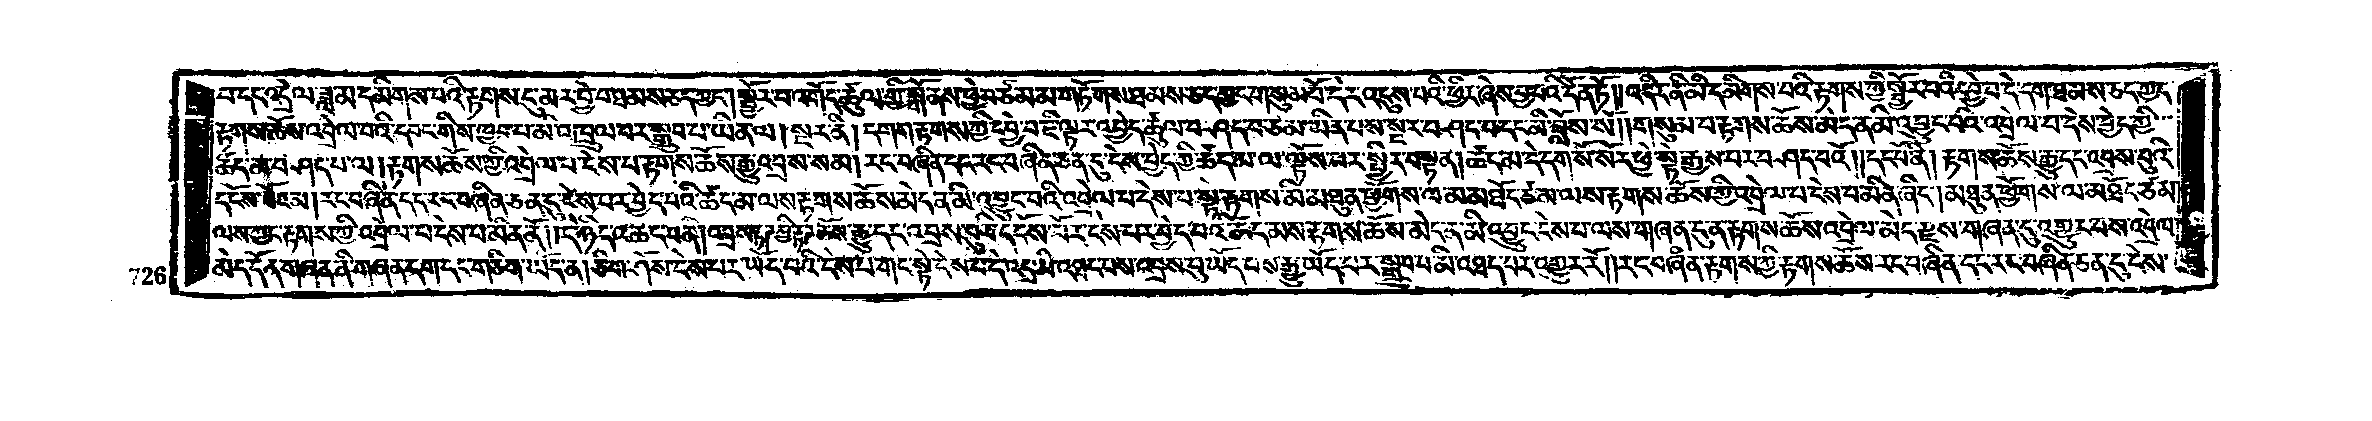པ་དང་འདྲེལ་ཟླ་མ་དམིགས་པའི་རྟགས་དུ་མར་བྱེ་བ་ཐམས་ཅད་ཀྱང་། སྦྱོར་བ་འགོད་ཚུལ་གྱི་སྒོ་ནས་ཕྱེ་བ་ཙམ་མ་གཏོགས་ཐམས་ཅད་ཀྱང་གསུམ་པོ་དེར་འདུས་པའི་ཕྱིར་ཞེས་བྱ་བའི་དོན་ཏོ། །འདིར་ནི་མི་དམིགས་པའི་རྟགས་ཀྱི་སྦྱོར་བའི་དབྱེ་བ་དེ་དག་ཐམས་ཅད་ཀྱང་
རྟགས་ཆོས་འབྲེལ་བའི་དབང་གིས་ཁྱབ་པ་མི་འཁྲུལ་པར་སྒྲུབ་པ་ཡིན་ལ། སྔར་ནི། དགག་རྟགས་ཀྱི་དབྱེ་བ་ཇི་ལྟར་འབྱེད་ཚུལ་བཤད་པ་ཙམ་ཡིན་པས་སྔར་བཤད་པ་དང་མི་ཟློས་སོ། །གསུམ་པ་རྟགས་ཆོས་མེད་ན་མི་འབྱུང་བའི་འབྲེལ་བ་ངེས་བྱེད་ཀྱི་
ཚད་མ་བཤད་པ་ལ། རྟགས་ཆོས་ཀྱི་འབྲེལ་བ་ངེས་པ་རྟགས་ཆོས་རྒྱུ་འབྲས་སམ། རང་བཞིན་དང་རང་བཞིན་ཅན་དུ་ངེས་བྱེད་ཀྱི་ཚད་མ་ལ་ལྟོས་པར་སྤྱིར་བསྟན། ཚད་མ་དེ་དག་སོ་སོར་ཕྱེ་སྟེ་རྒྱས་པར་བཤད་པའོ། །དང་པོ་ནི། རྟགས་ཆོས་རྒྱུ་དང་འབྲས་བུའི་
དངོས་པོའམ། རང་བཞིན་དང་རང་བཞིན་ཅན་དུ་ངེས་པར་བྱེད་པའི་ཚད་མ་ལས་རྟགས་ཆོས་མེད་ན་མི་འབྱུང་བའི་འབྲེལ་བ་ངེས་པ་སྟེ་རྟགས་མི་མཐུན་ཕྱོགས་ལ་མ་མཐོང་ཙམ་ལས་རྟགས་ཆོས་ཀྱི་འབྲེལ་བ་ངེས་པ་མིན་ཞིང་། མཐུན་ཕྱོགས་ལ་མཐོང་ཙམ་
ལས་ཀྱང་རྟགས་ཀྱི་འབྲེལ་བ་ངེས་པ་མིན་ནོ། །དེ་ཉིད་འཆད་པ་ནི། འབྲས་རྟགས་ཀྱི་རྟགས་ཆོས་རྒྱུ་དང་འབྲས་བུའི་དངོས་པོར་ངེས་པར་བྱེད་པའི་ཚད་མས་རྟགས་ཆོས་མེད་ན་མི་འབྱུང་ངེས་པ་ལས་གཞན་དུ་ན་རྟགས་ཆོས་འབྲེལ་མེད་རྫས་གཞན་དུ་འགྱུར་པས་འབྲེལ་
མེད་དོན་གཞན་ནི་གཞན་དག་དང་གཅིག་ཡོད་ན། ཅིག་ཤོས་ངེས་པར་ཡོད་པའི་ངེས་པ་གང་སྟེ་ངེས་པ་དེ་འདྲ་མི་འཐད་པས་འབྲས་བུ་ཡོད་པས་རྒྱུ་ཡོད་པར་སྒྲུབ་པ་མི་འཐད་པར་འགྱུར་རོ། །རང་བཞིན་རྟགས་ཀྱི་རྟགས་ཆོས་རང་བཞིན་དང་རང་བཞིན་ཅན་དུ་ངེས་